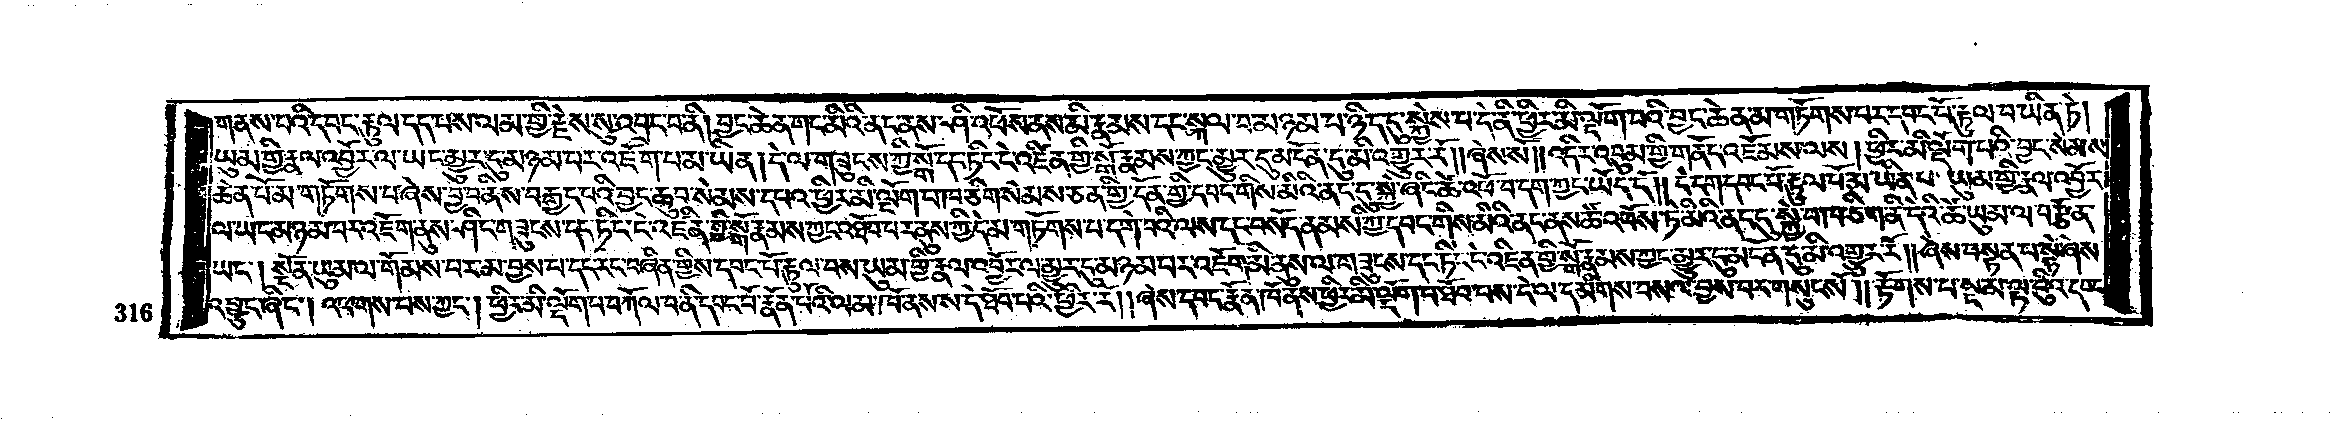གནས་པའི་དབང་རྟུལ་དད་པས་ལམ་གྱི་རྗེས་སུ་འབྲང་བ་ནི། བྱང་ཆེན་གང་མིའི་ནང་ནས་ཤི་འཕོས་ནས་མི་རྣམས་དང་སྐལ་བ་མཉམ་པ་ཉིད་དུ་སྐྱེས་པ་དེ་ནི་ཕྱིར་མི་ལྡོག་པའི་བྱང་ཆེན་མ་གཏོགས་པར་དབང་པོ་རྟུལ་བ་ཡིན་ཏེ།
ཡུམ་གྱི་རྣལ་འབྱོར་ལ་ཡང་མྱུར་དུ་མཉམ་པར་འཇོག་པ་མ་ཡིན། དེ་ལ་གཟུངས་ཀྱི་སྒོ་དང་ཏིང་ངེ་འཛིན་གྱི་སྒོ་རྣམས་ཀྱང་མྱུར་དུ་མངོན་དུ་མི་འགྱུར་རོ། །ཞེས་སོ། །འདིར་འབུམ་གྱི་གནོད་འཇོམས་ལས། ཕྱིར་མི་ལྡོག་པའི་བྱང་སེམས་
ཆེན་པོ་མ་གཏོགས་པ་ཞེས་བྱ་བ་ནི་ས་བརྒྱད་པའི་བྱང་ཆུབ་སེམས་དཔའ་ཕྱིར་མི་ལྡོག་པ་ཁ་ཅིག་སེམས་ཅན་གྱི་དོན་གྱི་དབང་གིས་མིའི་ནང་དུ་སྐྱེ་ཞིང་ཚེ་འཕོ་བ་དག་ཀྱང་ཡོད་དོ། །དེ་དག་དབང་པོ་རྟུལ་པོ་མ་ཡིན་ལ། ཡུམ་གྱི་རྣལ་འབྱོར་
ལ་ཡང་མཉམ་པར་འཇོག་ནུས་ཤིང་གཟུངས་དང་ཏིང་ངེ་འཛིན་གྱི་སྒོ་རྣམས་ཀྱང་འཐོབ་པར་ནུས་ཀྱི་དེ་མ་གཏོགས་པ་དགེ་བའི་ལས་དང་བསོད་ནམས་ཀྱི་དབང་གིས་མིའི་ནང་ནས་ཚེ་འཕོས་ཏེ་མིའི་ནང་དུ་སྐྱེ་བ་ཁ་ཅིག་ནི་དེའི་ཚེ་ཡུམ་ལ་བརྩོན་
ཡང་། སྔོན་ཡུམ་ལ་གོམས་པར་མ་བྱས་པ་དང་རང་བཞིན་གྱིས་དབང་པོ་རྟུལ་བས་ཡུམ་གྱི་རྣལ་འབྱོར་ལ་མྱུར་དུ་མཉམ་པར་འཇོག་མི་ནུས་ལ་གཟུངས་དང་ཏིང་ངེ་འཛིན་གྱི་སྒོ་རྣམས་ཀྱང་མྱུར་དུ་མངོན་དུ་མི་འགྱུར་རོ། །ཞེས་བསྟན་པ་སྟེ་ཞེས་
འབྱུང་ཞིང་། འཕགས་པས་ཀྱང་། ཕྱིར་མི་ལྡོག་པ་བཀོལ་བ་ནི་དབང་པོ་རྣོན་པོའི་ལམ་ཁོ་ནས་ས་དེ་ཐོབ་པའི་ཕྱིར་རོ། །ཞེས་དབང་རྣོན་ཁོ་ནས་ཕྱིར་མི་ལྡོག་པ་ཐོབ་པས་དེ་ལ་དམིགས་བསལ་བྱས་པར་གསུངས་སོ། །རྟོགས་པ་སྔ་མ་ལྟ་བུའི་དབང་